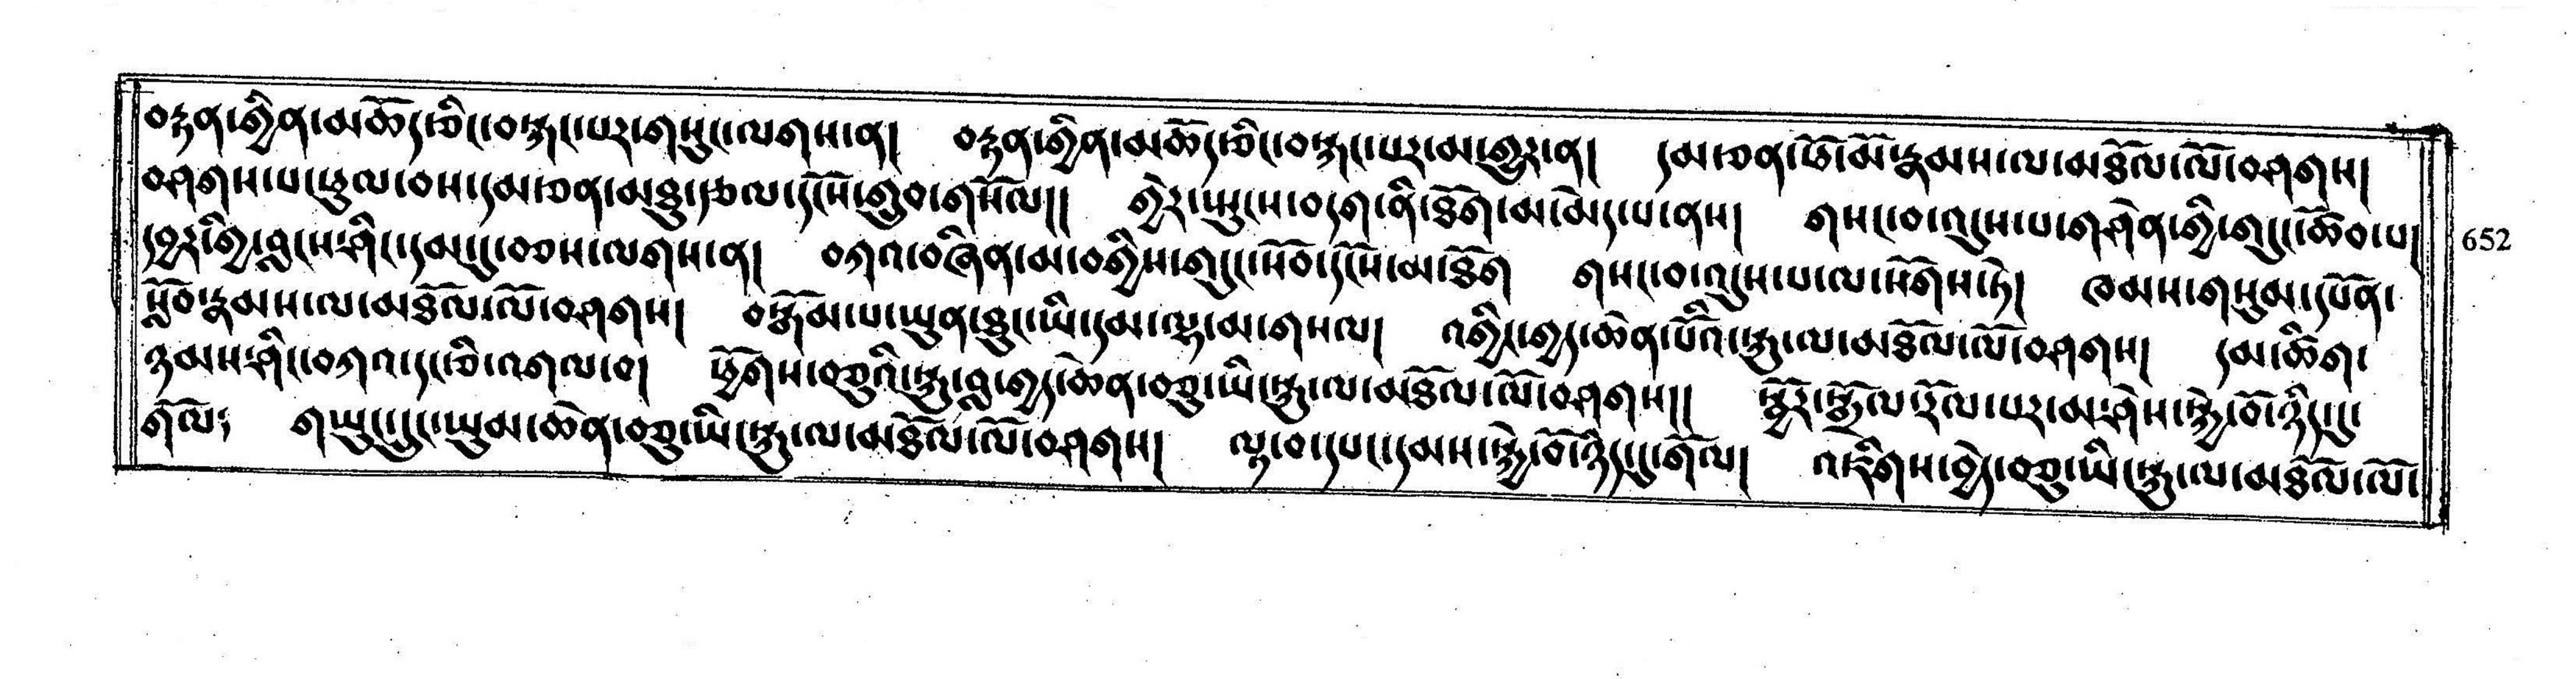བརྟན་གྱིན་མཆོད་ཅིང་བསྐང་པར་གསུང་ལགས་ན། བརྟན་གྱིན་མཆོད་ཅིང་བསྐང་པར་མ་གྱུར་ན། དམ་ཅན་ཕོ་མོ་རྣམས་ལ་མཐོལ་ལོ་བཤགས། བཤགས་
པ་ཕུལ་བས་དམ་ཅན་མཐུ་རྩལ་དངོས་གྲུབ་གསོལ།། གྱེར་སྤུངས་བདག་ནི་ཐོག་མ་མེད་པ་ནས། གསང་བ་འདུས་པ་གཤེན་གྱི་གདུང་ཚོབ་པ། 
དབྱར་གྱི་བླངས་ཤིང་དམ་དུ་བཅས་ལགས་ན། བཀའ་བཞིན་མ་བགྱིས་གདུང་སོབ་དངོས་མ་ཐོག གསང་བ་འདུས་པ་ལ་སོགས་ཏེ། ཁམས་གསུམ་དཔོན་
སློབ་རྣམས་ལ་མཐོལ་ལོ་བཤགས། བསྒོམ་པ་ཡུན་ཐུང་ཡི་དམ་ལྷ་མ་གསལ། འགྱིང་གྱད་ཆེན་པོའི་སྐུ་ལ་མཐོལ་ལོ་བཤགས། དམ་ཚིག་
ཉམས་ཤིང་བཀའ་དང་ཅི་འགལ་བ། ཕྱོགས་བཅུའི་སྐུ་བླ་གྱད་ཆེན་བཅུ་ཡི་སྐུ་ལ་མཐོལ་ལོ་བཤགས།། སྦྱོར་སྒྲོལ་རོལ་པར་མ་ཤེས་སྐྱེ་བོ་ཉིད་དུ་
གོལ། གཡུང་དྲུང་ཡུམ་ཆེན་བཅུ་ཡི་སྐུ་ལ་མཐོལ་ལོ་བཤགས། ལྟ་བ་དཔང་དམས་སྐྱེ་བོ་ཉིད་དུ་གོལ། འཇིགས་བྱེད་བཅུ་ཡི་སྐུ་ལ་མཐོལ་ལོ་